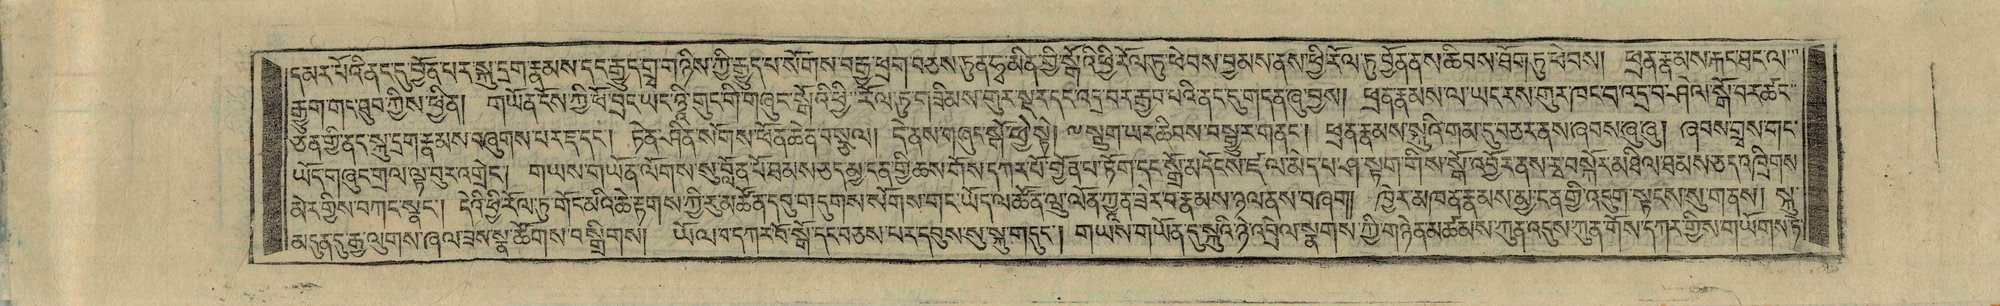དམར་པོའི་ནང་དུ་བྱོན་པར་སྐུ་དྲག་རྣམས་དང་རྒྱུད་གྲྭ་གཉིས་ཀྱི་རྒྱུད་པ་སོགས་བརྒྱ་ཕྲག་བཅས་ཏུན་ཧྭ་མིན་གྱི་སྒོའི་ཕྱི་རོལ་ཏུ་ཕེབས་བྱམས་ནས་ཕྱི་རོལ་ཏུ་བྱོན་ནས་ཆིབས་ཐོག་ཏུ་ཕེབས། ཕྲན་རྣམས་རྐང་ཐང་ལ་
རྒྱུག་གང་ཐུབ་ཀྱིས་ཕྱིན། གཡོན་ངོས་ཀྱི་ཕོ་བྲང་ཡང་ཉཱི་གུང་གི་གཞུང་སྒོའི་ཕྱི་རོལ་ཏུ་གཟིམས་གུར་སྔར་དང་འདྲ་བར་རྒྱབ་པའི་ནང་དུ་གདན་ཞུ་བྱས། ཕྲན་རྣམས་ལ་ཡང་རས་གུར་ཁང་བ་འདྲ་བ་ཤེལ་སྒོ་བར་ཚང་
ཅན་གྱི་ནང་སྐུ་དྲག་རྣམས་བཞུགས་པར་ཇ་དང་། ཏེན་ཤིན་སོགས་ཕོན་ཆེན་བསྩལ། དེ་ནས་གཞུང་སྒོ་ཕྱེ་སྟེ། ༧སྦུག་ཡར་ཆིབས་བསྒྱུར་གནང་། ཕྲན་རྣམས་སྐུའི་གམ་དུ་བཅར་ནས་ཞབས་ཞུ་ཞུ། ཞབས་གྲྭས་གང་
ཡོད་གཞུང་གྲལ་ལྟ་བུར་འགྲེང་། གཡས་གཡོན་ལོགས་སུ་བློན་པོ་ཐམས་ཅད་མྱ་ངན་གྱི་ཆས་གོས་དཀར་པོ་བྱོན་པ་ཏོག་དང་སྒྲོ་མདོངས་ཛ་ལ་མེད་པ་ཤ་སྟག་གིས་སྒོ་འབྱོར་ནས་རྭ་བསྐོར་མཐིལ་ཐམས་ཅད་འཁྲིགས་
མེར་གྱིས་བཀང་སྣང་། དེའི་ཕྱི་རོལ་ཏུ་གོང་མའི་ཆེ་རྟགས་ཀྱི་རུ་མཚོན་དབུ་གདུགས་སོགས་གང་ཡོད་ལ་ཚོན་ཝུ་ལོན་ཀྱཱན་ཟེར་བ་རྣམས་ཉལ་ནས་བཞག །ཁྱེར་མཁན་རྣམས་མྱ་ངན་གྱི་འདུག་སྟངས་སུ་གནས། སྐུ་
མདུན་དུ་རྒྱ་ལུགས་ཞལ་ཟས་སྣ་ཚོགས་བསྒྲིགས། ཡོལ་བ་དཀར་པོ་སྒོ་དང་བཅས་པར་དབུས་སུ་སྐུ་གདུང་། གཡས་གཡོན་དུ་སྐུའི་ཉེ་འབྲེལ་སྣགས་ཀྱི་གཉེན་མཚམས་ཀུན་འདུས་ཀུན་གོས་དཀར་གྱིས་གཡོགས་ཏེ་